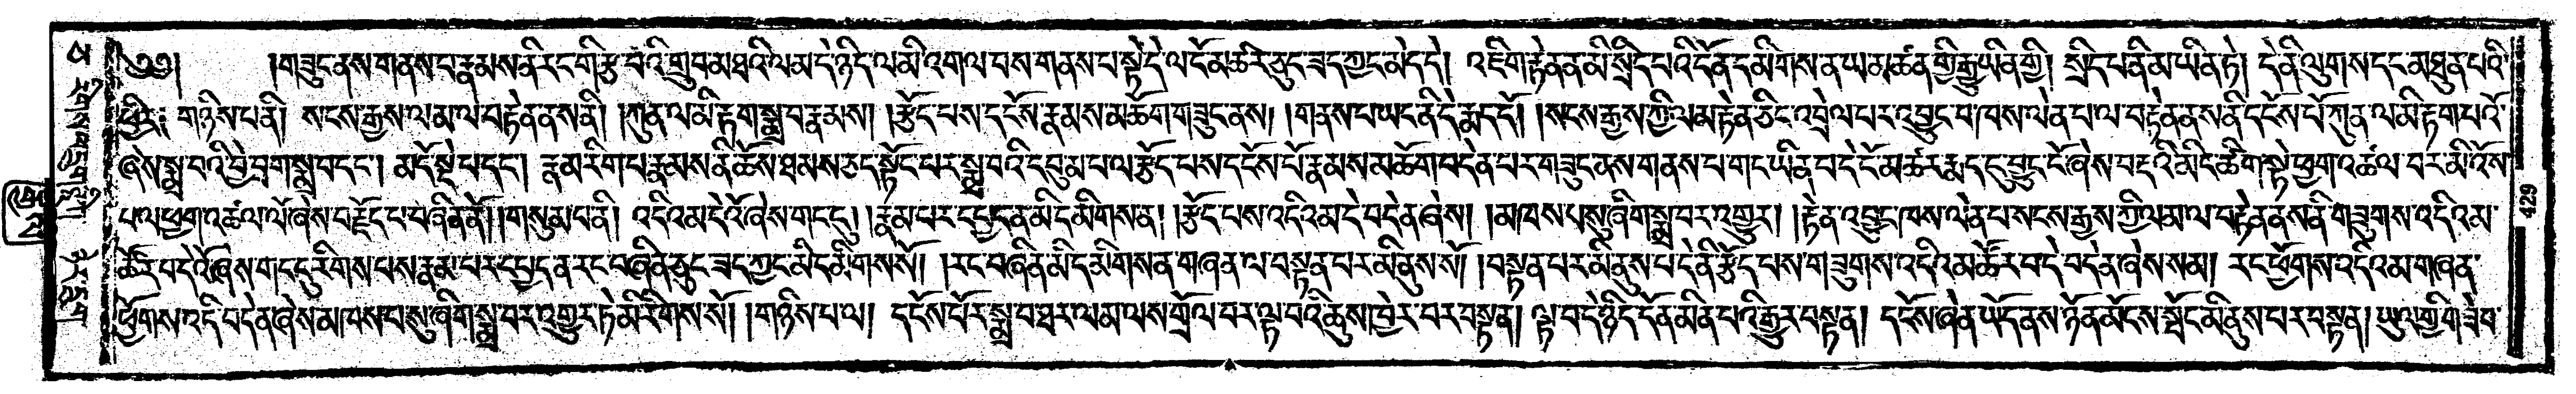༄༅། །གཟུང་ནས་གནས་པ་རྣམས་ནི་རང་གི་རྩ་བའི་གྲུབ་མཐའི་ལམ་དེ་ཉིད་ལ་མི་འགལ་བས་གནས་པ་སྟེ་དེ་ལ་ངོ་མཚར་ཅུང་ཟད་ཀྱང་མེད་དེ། འཇིག་རྟེན་ན་མི་སྲིད་པའི་དོན་དམིགས་ན་ཡ་མཚན་གྱི་རྒྱུ་ཡིན་གྱི། སྲིད་པ་ནི་མ་ཡིན་ཏེ། དེ་ནི་ལུགས་དང་མཐུན་པའི་
ཕྱིར། གཉིས་པ་ནི། སངས་རྒྱས་ལམ་ལ་བརྟེན་ནས་ནི། །ཀུན་ལ་མི་རྟག་སྨྲ་བ་རྣམས། །རྩོད་པས་དངོས་རྣམས་མཆོག་གཟུང་ནས། །གནས་པ་ཡང་ནི་དེ་རྨད་དོ། །སངས་རྒྱས་ཀྱི་ལམ་རྟེན་ཅིང་འབྲེལ་པར་འབྱུང་བ་ཁས་ལེན་པ་ལ་བརྟེན་ནས་ནི་དངོས་པོ་ཀུན་ལ་མི་རྟག་པའོ་
ཞེས་སྨྲ་བའི་བྱེ་བྲག་སྨྲ་བ་དང་། མདོ་སྡེ་པ་དང་། རྣམ་རིག་པ་རྣམས་ནི་ཆོས་ཐམས་ཅད་སྟོང་པར་སྨྲ་བའི་དབུ་མ་པ་ལ་རྩོད་པས་དངོས་པོ་རྣམས་མཆོག་བདེན་པར་གཟུང་ནས་གནས་པ་གང་ཡིན་པ་དེ་ངོ་མཚར་རྨད་དུ་བྱུང་ངོ་ཞེས་བརྡའི་མིང་ཚིག་སྟེ་ཕྱག་འཚལ་བར་མི་འོས་
པ་ལ་ཕྱག་འཚལ་ལོ་ཞེས་བརྗོད་པ་བཞིན་ནོ། །གསུམ་པ་ནི། འདིའམ་དེའོ་ཞེས་གང་དུ། །རྣམ་པར་དཔྱད་ན་མི་དམིགས་ན། །རྩོད་པས་འདིའམ་དེ་བདེན་ཞེས། །མཁས་པ་སུ་ཞིག་སྨྲ་བར་འགྱུར། །རྟེན་འབྱུང་ཁས་ལེན་པ་སངས་རྒྱས་ཀྱི་ལམ་ལ་བརྟེན་ནས་ནི་གཟུགས་འདིའམ་
ཚོར་བ་དེའོ་ཞེས་གང་དུ་རིགས་པས་རྣམ་པར་དཔྱད་ན་རང་བཞིན་ཅུང་ཟད་ཀྱང་མི་དམིགས་སོ། །རང་བཞིན་མི་དམིགས་ན་གཞན་ལ་བསྟན་པར་མི་ནུས་སོ། །བསྟན་པར་མི་ནུས་པ་དེ་ནི་རྩོད་པས་གཟུགས་འདིའམ་ཚོར་བ་དེ་བདེན་ཞེས་སམ། རང་ཕྱོགས་འདིའམ་གཞན་
ཕྱོགས་འདི་བདེན་ཞེས་མཁས་པ་སུ་ཞིག་སྨྲ་བར་འགྱུར་ཏེ་མི་རིགས་སོ། །གཉིས་པ་ལ། དངོས་པོར་སྨྲ་བ་ཐར་ལམ་ལས་གྲོལ་བར་ལྟ་བའི་ཆུས་ཁྱེར་བར་བསྟན། ལྟ་བ་དེ་ཉིད་དོན་མིན་པའི་རྒྱུར་བསྟན། དངོས་ཞེན་ཡོད་ནས་ཉོན་མོངས་སྤོང་མི་ནུས་པར་བསྟན། ཡུལ་གྱི་གཟེབ་